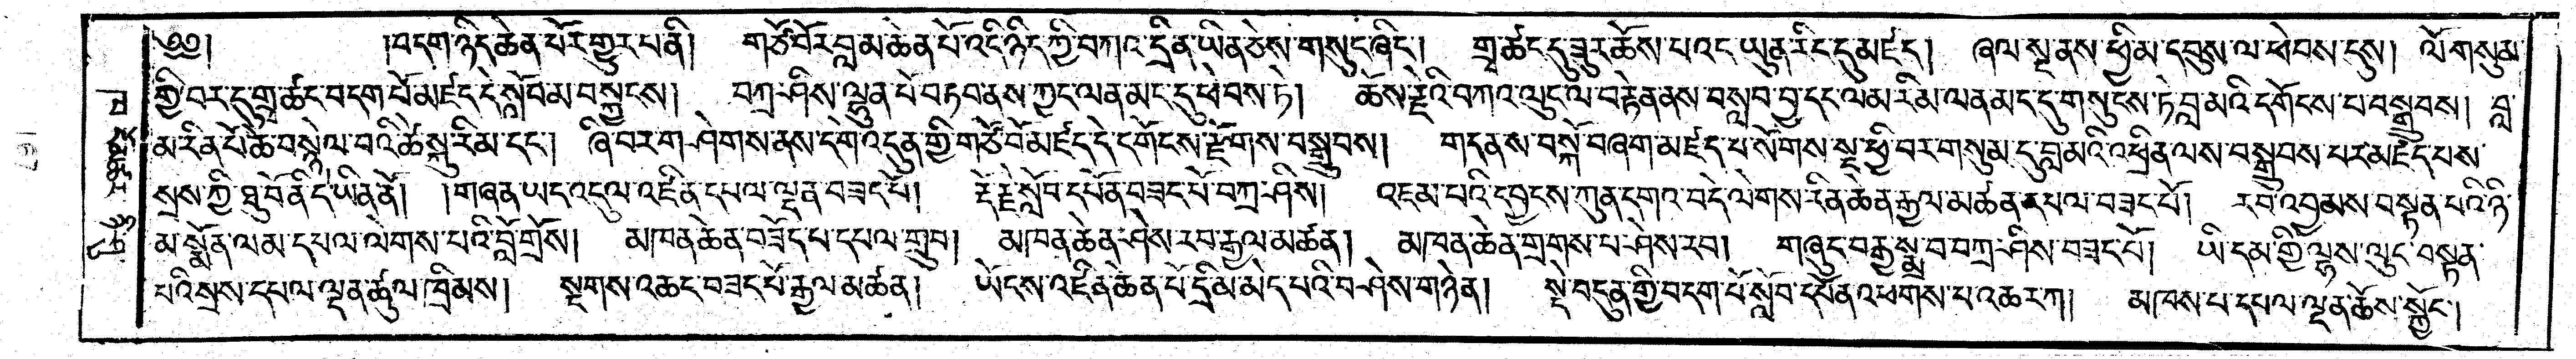༄༅། །བདག་ཉིད་ཆེན་པོར་གྱུར་པ་ནི། གཙོ་བོར་བླ་མ་ཆེན་པོ་འདི་ཉིད་ཀྱི་བཀའ་དྲིན་ཡིན་ཅེས་གསུང་ཞིང་། གྲྭ་ཚང་དུ་ཟུར་ཆོས་པའང་ཡུན་རིང་དུ་མཛད། ཞལ་སྔ་ནས་ཕྱི་མ་དབུས་ལ་ཕེབས་དུས། ལོ་གསུམ་
གྱི་བར་དུ་གྲྭ་ཚང་བདག་པོ་མཛད་དེ་སློབ་མ་བསྐྱངས། བཀྲ་ཤིས་ལྷུན་པོ་བཏབ་ནས་ཀྱང་ལན་མང་དུ་ཕེབས་ཏེ། ཆོས་རྗེའི་བཀའ་ལུང་ལ་བརྟེན་ནས་བསླབ་བྱ་དང་ལམ་རིམ་ལན་མང་དུ་གསུངས་ཏེ་བླ་མའི་དགོངས་པ་བསྒྲུབས། བླ་
མ་རིན་པོ་ཆེ་བསྙེལ་བའི་ཚེ་སྐུ་རིམ་དང་། ཞི་བར་གཤེགས་ནས་དགེ་འདུན་གྱི་གཙོ་བོ་མཛད་དེ་དགོངས་རྫོགས་བསྒྲུབས། གདན་ས་བསྐོ་བཞག་མཛད་པ་སོགས་སྔ་ཕྱི་བར་གསུམ་དུ་བླ་མའི་འཕྲིན་ལས་བསྒྲུབས་པར་མཛད་པས་
སྲས་ཀྱི་ཐུ་བོ་ནི་དེ་ཡིན་ནོ། །གཞན་ཡང་འདུལ་འཛིན་དཔལ་ལྡན་བཟང་པོ། རྡོ་རྗེ་སློབ་དཔོན་བཟང་པོ་བཀྲ་ཤིས། འཇམ་པའི་དབྱངས་ཀུན་དགའ་བདེ་ལེགས་རིན་ཆེན་རྒྱལ་མཚན་དཔལ་བཟང་པོ། རབ་འབྱམས་བསྟན་པའི་ཉི་
མ་སྨོན་ལམ་དཔལ་ལེགས་པའི་བློ་གྲོས། མཁན་ཆེན་བཟོད་པ་དཔལ་གྲུབ། མཁན་ཆེན་ཤེས་རབ་རྒྱལ་མཚན། མཁན་ཆེན་གྲགས་པ་ཤེས་རབ། གཞུང་བརྒྱ་སྨྲ་བ་བཀྲ་ཤིས་བཟང་པོ། ཡི་དམ་གྱི་ལྷས་ལུང་བསྟན་
པའི་སྲས་དཔལ་ལྡན་ཚུལ་ཁྲིམས། སྔགས་འཆང་བཟང་པོ་རྒྱལ་མཚན། ཡོངས་འཛིན་ཆེན་པོ་དྲི་མ་མེད་པའི་བཤེས་གཉེན། སྡེ་བདུན་གྱི་བདག་པོ་སློབ་དཔོན་འཕགས་པ་འཆར་ཀ། མཁས་པ་དཔལ་ལྡན་ཆོས་སྐྱོང་།